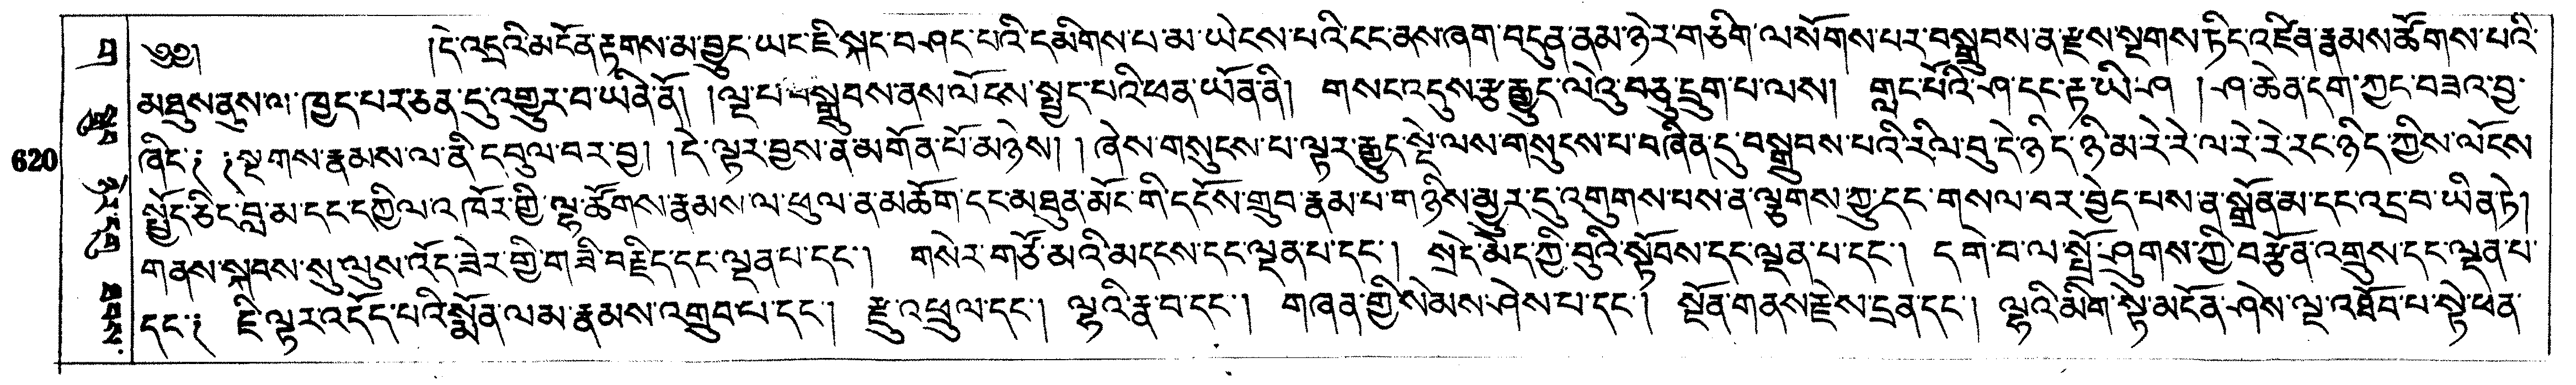༄༅། །དེ་འདྲའི་མངོན་རྟགས་མ་བྱུང་ཡང་ཇི་སྐད་བཤད་པའི་དམིགས་པ་མ་ཡེངས་པའི་ངང་ནས་ཞག་བདུན་ནམ་ཉེར་གཅིག་ལ་སོགས་པར་བསྒྲུབས་ན་རྫས་སྔགས་ཏིང་འཛིན་རྣམས་ཚོགས་པའི་
མཐུས་ནུས་ལ་ཁྱད་པར་ཅན་དུ་འགྱུར་བ་ཡིན་ནོ། །ལྔ་པ་བསྒྲུབས་ནས་ལོངས་སྤྱད་པའི་ཕན་ཡོན་ནི། གསང་འདུས་རྩ་རྒྱུད་ལེའུ་བཅུ་དྲུག་པ་ལས། གླང་པོའི་ཤ་དང་རྟ་ཡི་ཤ། ཤ་ཆེན་དག་ཀྱང་བཟའ་བྱ་
ཞིང༑ ༑སྔགས་རྣམས་ལ་ནི་དབུལ་བར་བྱ། །དེ་ལྟར་བྱས་ན་མགོན་པོ་མཉེས། །ཞེས་གསུངས་པ་ལྟར་རྒྱུད་སྡེ་ལས་གསུངས་པ་བཞིན་དུ་བསྒྲུབས་པའི་རིལ་བུ་དེ་ཉིད་ཉི་མ་རེ་རེ་ལ་རེ་རེ་རང་ཉིད་ཀྱིས་ལོངས་
སྤྱོད་ཅིང་བླ་མ་དང་དཀྱིལ་འཁོར་གྱི་ལྷ་ཚོགས་རྣམས་ལ་ཕུལ་ན་མཆོག་དང་མཐུན་མོང་གི་དངོས་གྲུབ་རྣམ་པ་གཉིས་མྱུར་དུ་འགུགས་པས་ན་ལྷགས་ཀྱུ་དང་གསལ་བར་བྱེད་པས་ན་སྒྲོན་མ་དང་འདྲ་བ་ཡིན་ཏེ།
གནས་སྐབས་སུ་ལུས་འོད་ཟེར་གྱི་གཟི་བརྗིད་དང་ལྡན་པ་དང་། གསེར་གཙོ་མའི་མདངས་དང་ལྡན་པ་དང་། སྲེད་མོད་ཀྱི་བུའི་སྟོབས་དང་ལྡན་པ་དང་། དགེ་བ་ལ་སྤྲོ་ཤུགས་ཀྱི་བརྩོན་འགྲུས་དང་ལྡན་པ་
དང༑ ཇི་ལྟར་འདོད་པའི་སྨོན་ལམ་རྣམས་འགྲུབ་པ་དང་། རྫུ་འཕྲུལ་དང་། ལྷའི་རྣ་བ་དང་། གཞན་གྱི་སེམས་ཤེས་པ་དང་། སྔོན་གནས་རྗེས་དྲན་དང་། ལྷའི་མིག་སྟེ་མངོན་ཤེས་ལྔ་འཐོབ་པ་སྟེ་ཕ་